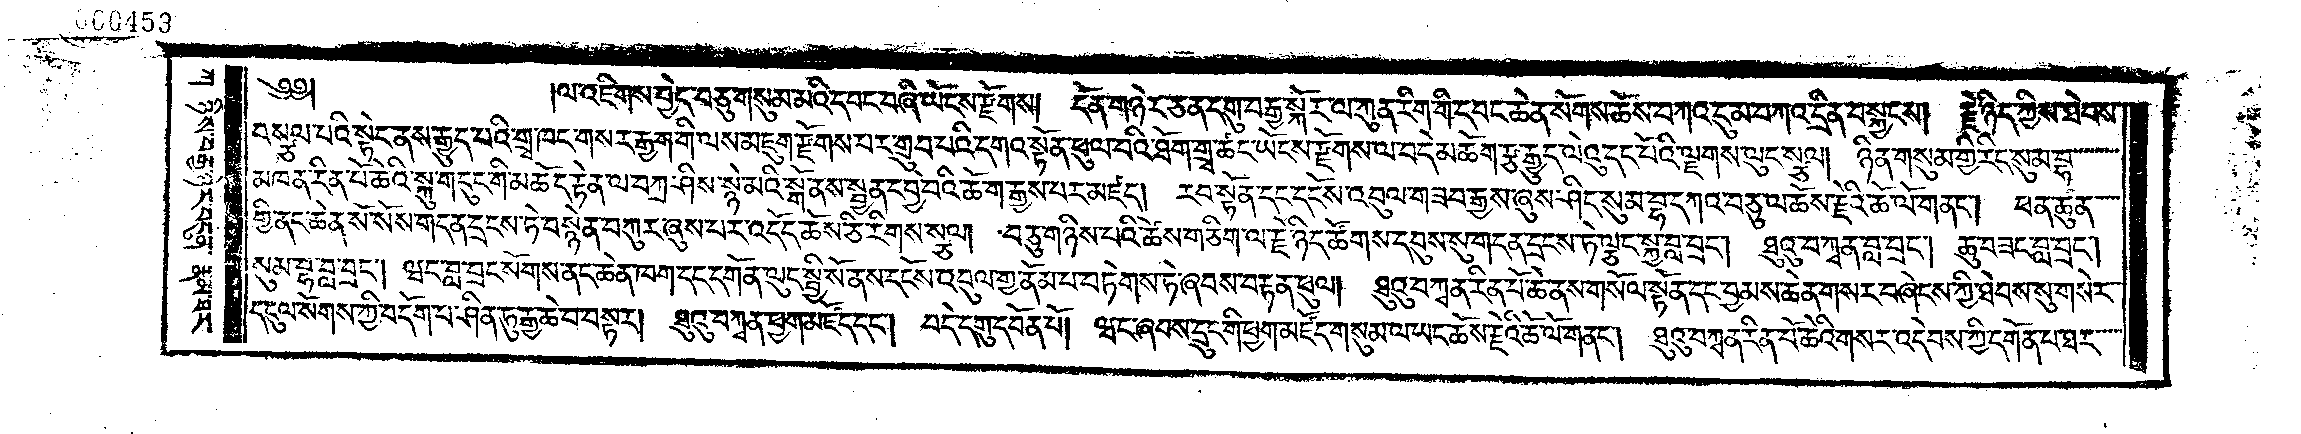༄༅། །ལ་འཇིགས་བྱེད་བཅུ་གསུམ་མའི་དབང་བཞི་ཡོངས་རྫོགས། དོན་གཉེར་ཅན་དགུ་བརྒྱ་སྐོར་ལ་ཀུན་རིག་གི་དབང་ཆེན་སོགས་ཆོས་བཀའ་དུམ་བཀའ་དྲིན་བསྐྱངས། རྗེ་ཉིད་ཀྱིས་ཐེབས་
བསྩལ་པའི་སྟེང་ནས་རྒྱུད་པའི་གྲྭ་ཁང་གསར་རྒྱག་གི་ལས་མཇུག་རྫོགས་པར་གྲུབ་པའི་དགའ་སྟོན་ཕུལ་བའི་ཐོག་གྲྭ་ཚང་ཡོངས་རྫོགས་ལ་བདེ་མཆོག་རྩ་རྒྱུད་ལེའུ་དང་པོའི་ལྗགས་ལུང་སྩལ། ཉིན་གསུམ་གྱི་རིང་སུམ་བྷ་
མཁན་རིན་པོ་ཆེའི་སྐུ་གདུང་གི་མཆོད་རྟེན་ལ་བཀྲ་ཤིས་སྙེ་མའི་སྒོ་ནས་སྤྱན་དབྱེ་བའི་ཆོ་ག་རྒྱས་པར་མཛད། རབ་སྟོན་དང་དངོས་འབུལ་གཟབ་རྒྱས་ཞུས་ཤིང་སུམ་བྷ་དཀའ་བཅུ་ལ་ཆོས་རྗེའི་ཆོ་ལོ་གནང་། ཕན་ཚུན་
གྱི་ནང་ཆེན་སོ་སོས་གདན་དྲངས་ཏེ་བསྙེན་བཀུར་ཞུས་པར་འདོད་ཆོས་ཅི་རིགས་སྩལ། བཅུ་གཉིས་པའི་ཚེས་གཅིག་ལ་རྗེ་ཉིད་ཚོགས་དབུས་སུ་གདན་དྲངས་ཏེ་ལྕང་སྐྱ་བླ་བྲང་། ཐུའུ་བཀྭན་བླ་བྲང་། ཆུ་བཟང་བླ་བྲང་།
སུམ་བྷ་བླ་བྲང་། ཝང་བླ་བྲང་སོགས་ནང་ཆེན་ཁག་དང་དགོན་ལུང་སྦྱི་སོ་ནས་དངོས་འབུལ་གྱ་ནོམ་པ་བཏེགས་ཏེ་ཞབས་བརྟན་ཕུལ། ཐུའུ་བཀྭན་རིན་པོ་ཆེ་ནས་གསོལ་སྟོན་དང་བྱམས་ཆེན་གསར་བཞེངས་ཀྱི་ཐེབས་སུ་གསེར་
དངུལ་སོགས་ཀྱི་བདོག་པ་ཤིན་ཏུ་རྒྱ་ཆེ་བ་བསྟར། ཐུའུ་བཀྭན་ཕྱག་མཛོད་དང་། བདེ་དགུ་དབོན་པོ། ཝང་ཞབས་དྲུང་གི་ཕྱག་མཛོད་གསུམ་ལ་ཡང་ཆོས་རྗེའི་ཆོ་ལོ་གནང་། ཐུའུ་བཀྭན་རིན་པོ་ཆེའི་གསར་འདེབས་ཀྱི་དགོན་པ་ཐར་